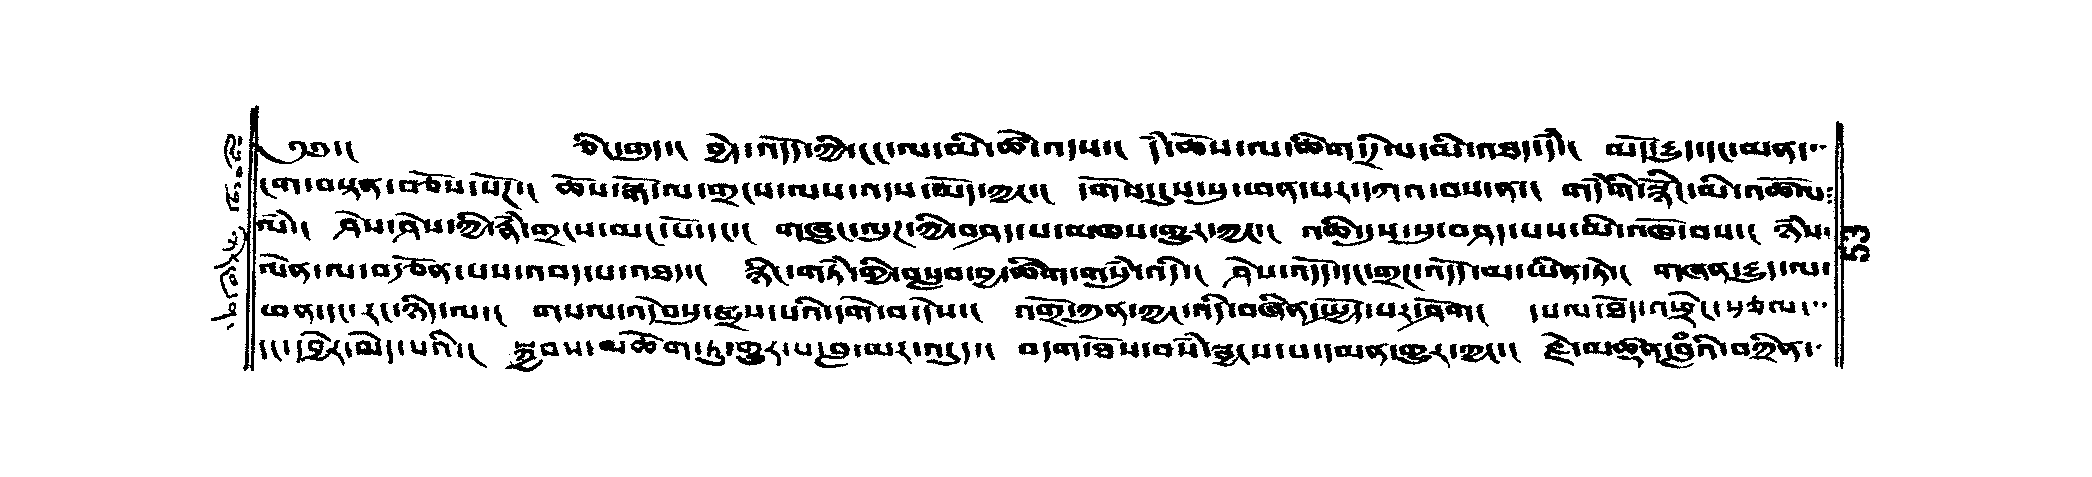བྱེད་འདོད་ཀྱི་ངང་ལ་མི་ཚེ་འདས། །དམ་ཆོས་ལ་ཆིག་དྲིལ་མི་འཐད་དམ། །མདོ་རྒྱུད་དང་མན་
ངག་བསྟན་བཅོས་སོགས། །ཆོས་སྒོ་ལ་གྲངས་ལས་འདས་མོད་ཀྱང་། །དགོས་དུས་སུ་ཕན་པར་དཀའ་བས་ན། །གདམས་ངག་གི་སྙིང་པོ་མི་འཚོལ་
ལམ། །ཤེས་ཤེས་ཀྱི་རྣམ་གྲངས་མང་པོ་དང་། །གཞུང་ལུགས་ཀྱི་བཤད་པ་མཁས་གྱུར་ཀྱང་། །འཆི་དུས་སུ་བཤད་པས་མི་མཁོ་བས། །ཉམས་
ལེན་ལ་བརྩོན་པས་འབད་པ་འཐད། །སྙིང་གཏམ་གྱི་བསླབ་བྱ་ཚིག་གསུམ་འདི། །ཤེས་འདོད་དང་གྲགས་འདོད་མ་ཡིན་ཏེ། །གཞན་རྒྱུད་ལ་
ཕན་དང་རང་ཉིད་ལ། །གསལ་འདེབས་སུ་སྨྲས་པའི་དགེ་བ་དེས། །འགྲོ་ཀུན་ཀྱང་འདི་བཞིན་སྤྱོད་པར་ཤོག། ༈ དཔལ་ཐོད་ཕྲེང་རྩལ་
དང་དབྱེར་མེད་པའི། །སྐྱབས་མཆོག་ཏུ་གྱུར་པ་བླ་མར་འདུད། །བདག་ཐོས་བསམ་སྦྱངས་པ་དམན་གྱུར་ཀྱང་། །རྗེ་མཚན་ལྡན་བླ་མའི་བཀའ་དྲིན་